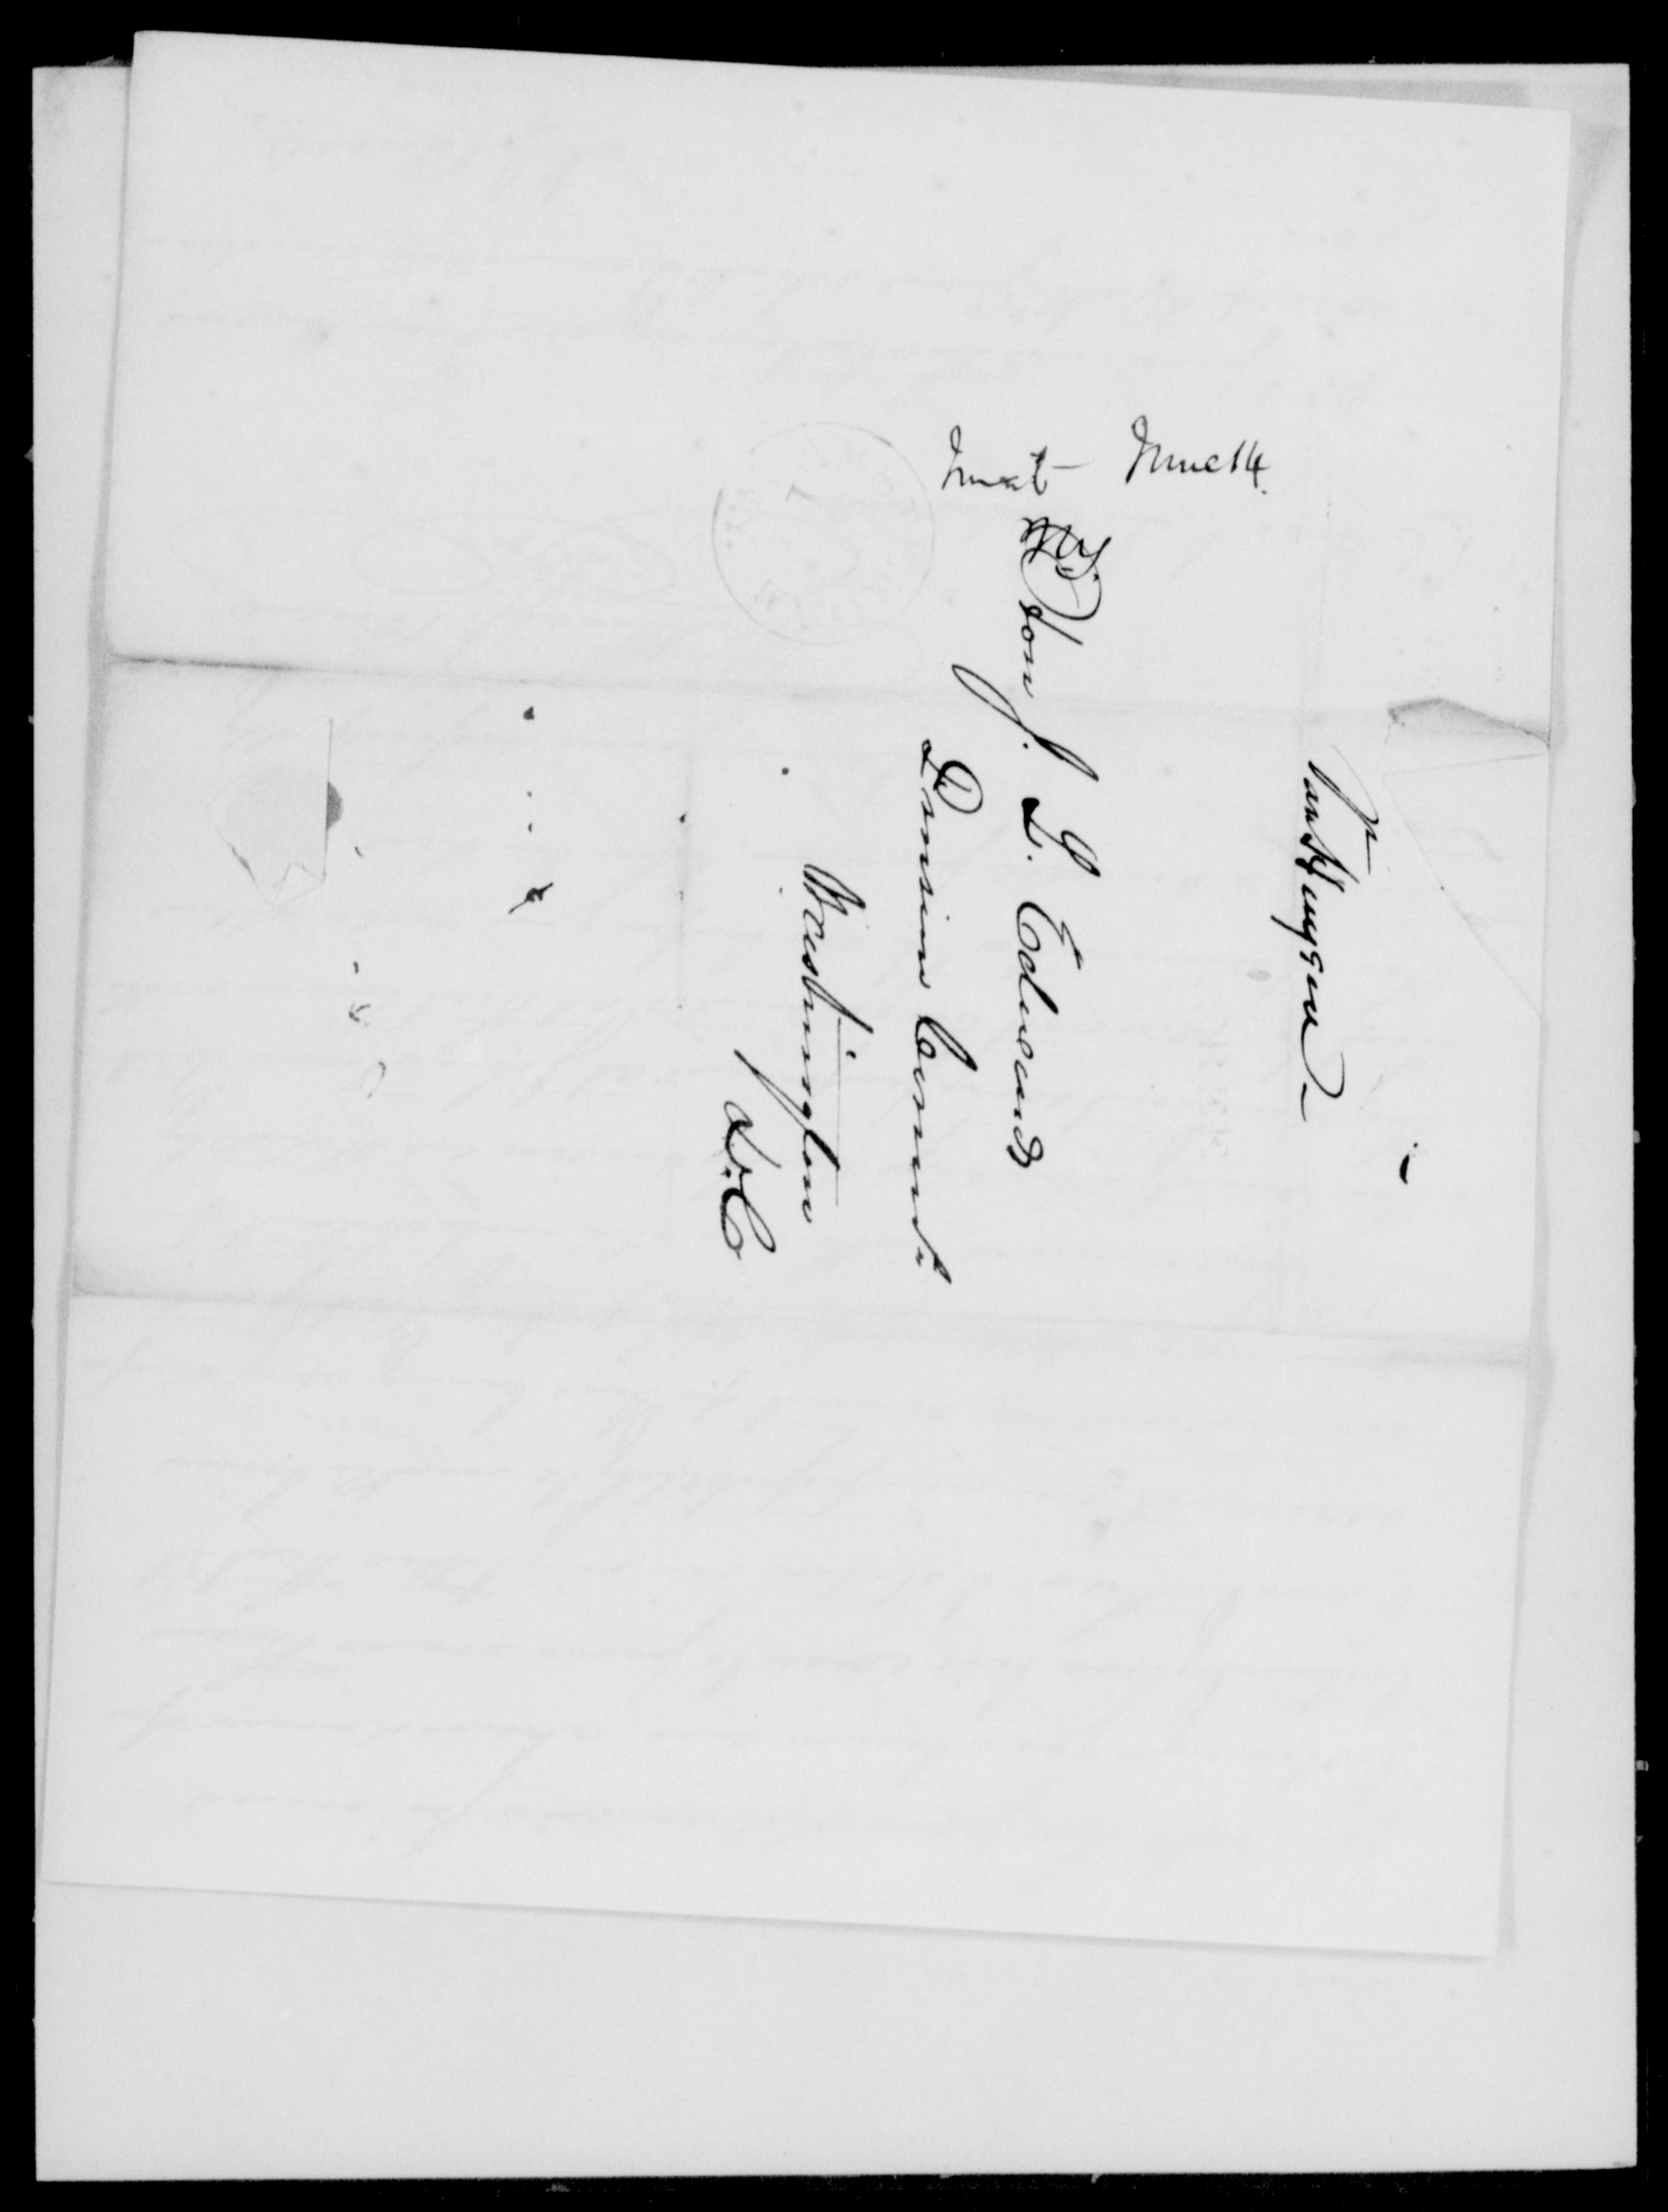In ab June 14.
NY.

Van Huysen

Hon. J.L. Edwards 
Pensions Commr.
Washington D.C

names: Van Huysen, J L Edwards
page: 30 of 57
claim: survivor's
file: S. 28,925, Albert Van Housen, New York